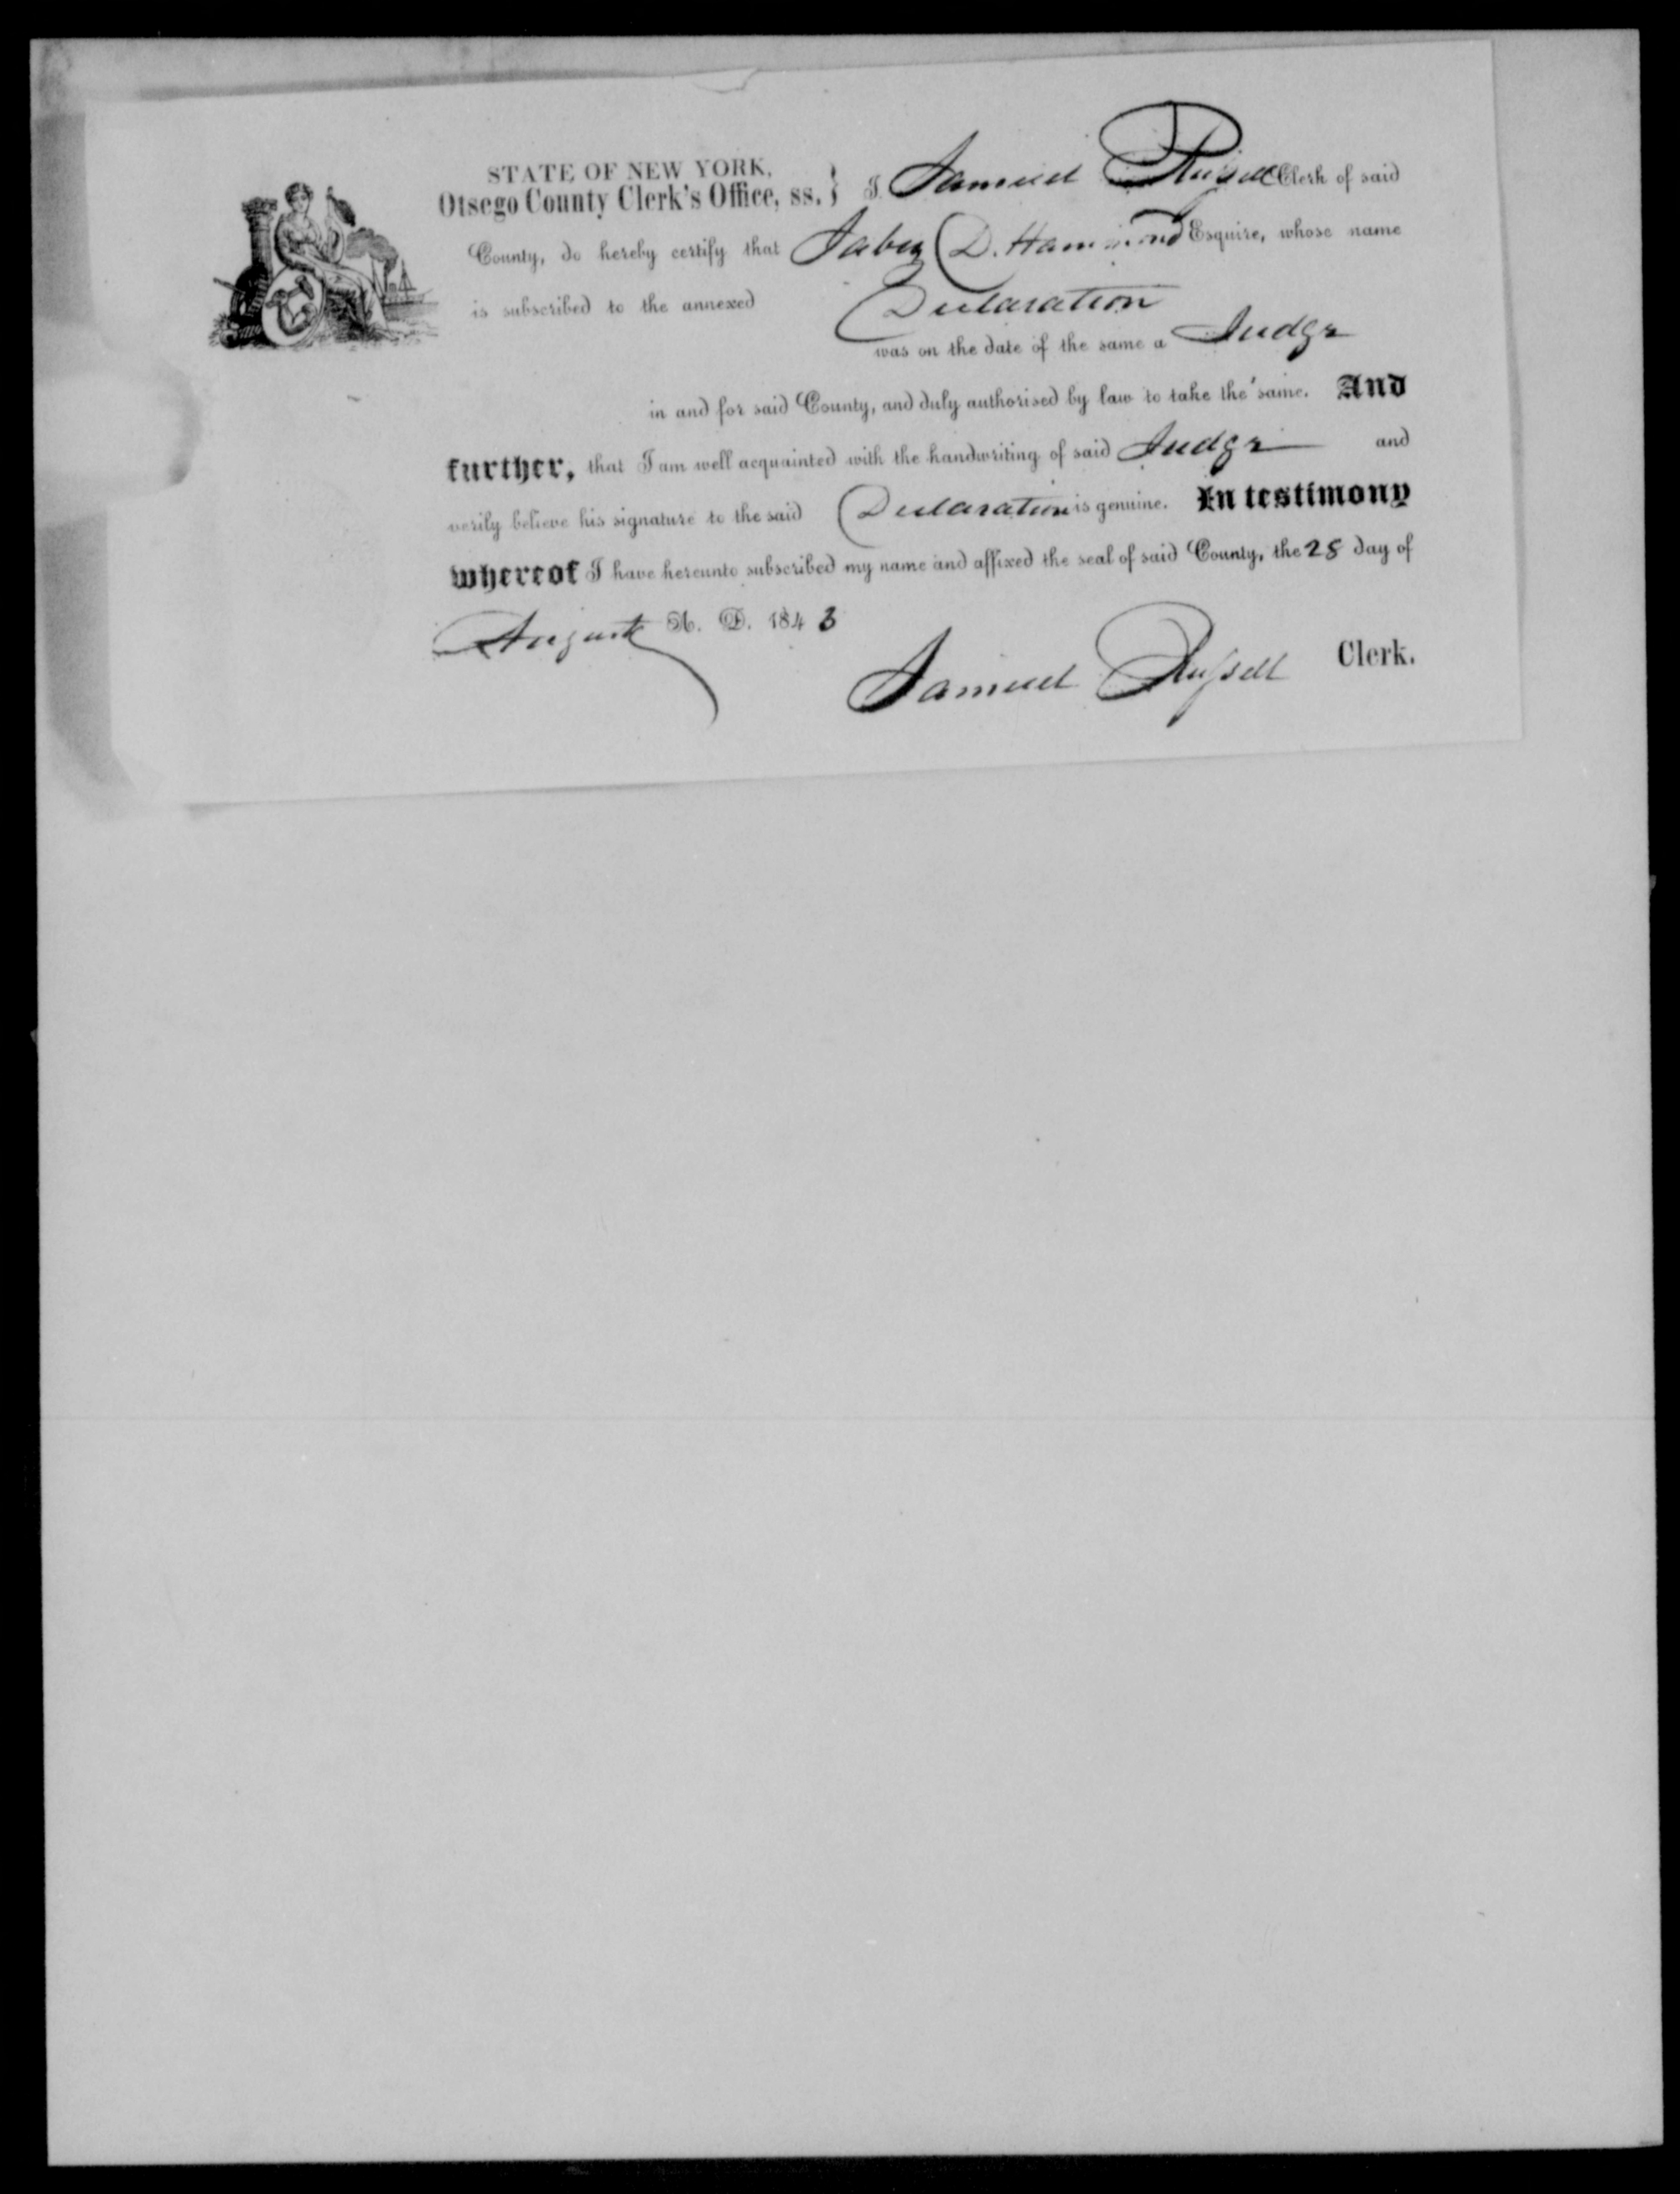STATE OF NEW YORK
Otsego County Clerk's Office, ss.}

I, Samuel Russell, Clerk of said County, do hereby certify that Jabez D. Hammond Esquire, whose name is subscribed to the annexed Declaration was on the date of the same a Judge in and for said County, and duly authorized by law to take the same. And further, that I am well acquainted with the handwriting of said Judge and verily believe his signature to the said Declaration is genuine. In testimony whereof I have hereunto subscribed my name and affixed the seal of said County, the 28 day of August A.D. 1843

Samuel Russell Clerk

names: Samuel Russell, Jabez D Hammond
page: 18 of 63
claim: widow's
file: W. 18403, David White, Conn.